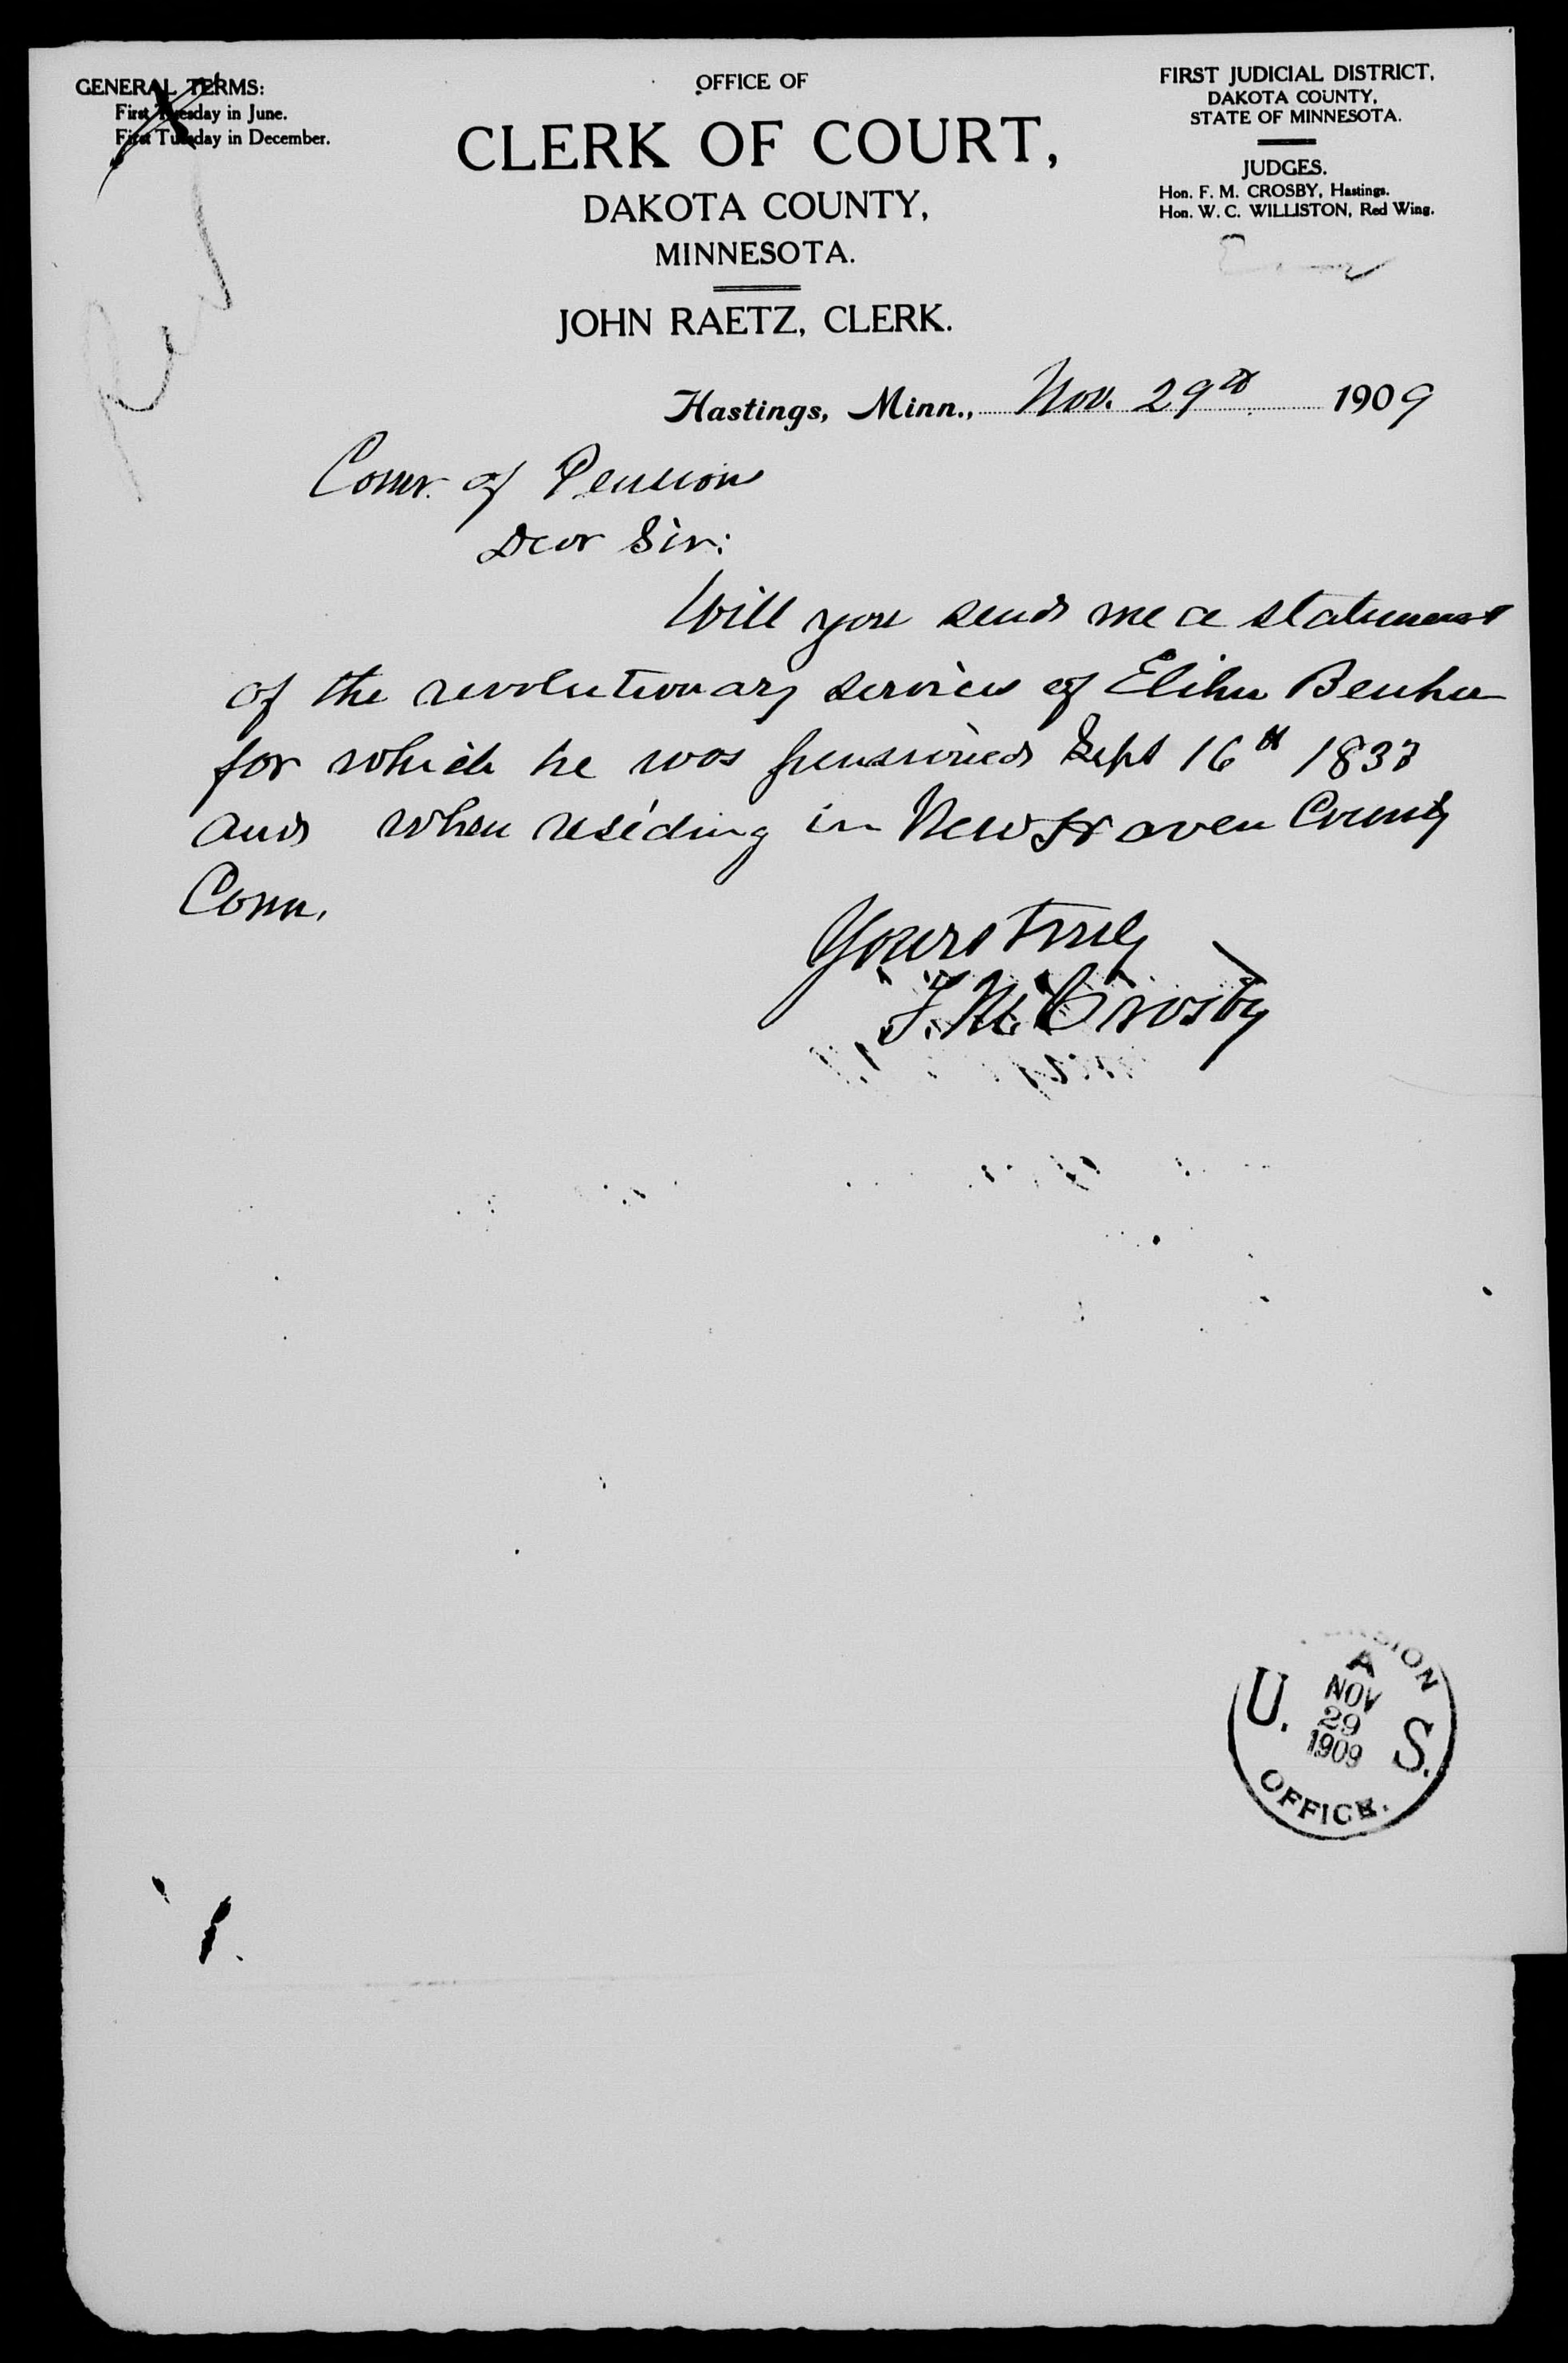GENERAL TERMS: First Tuesday in June. First Tuesday in December. OFFICE OF CLERK OF COURT. DAKOTA COUNTY. MINNESOTA. JOHN RAETZ, CLERK. FIRST JUDICIAL DISTRICT. DAKOTA COUNTY. STATE OF MINNESOTA. JUDGES. Hon. F. M. CROSBY, Hastings. Hon. W. C. WILLISTON, Red Wing.  
Hastings, Minn. Nov. 29th, 1909
Comm. of Pensions 
Dear Sir: 
Will you send me a statement of the revolutionary service of Elihu Banham for which he was pensioned Sept 16th 1833 and whose residing in New Haven County Conn. 
Yours truly 
F.M. Crosby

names: F M Crosby, W C Williston, Elihu Benham, John Raetz, F M Crosby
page: 26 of 45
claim: survivor's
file: S. 15748, Elihu Benham, Conn.